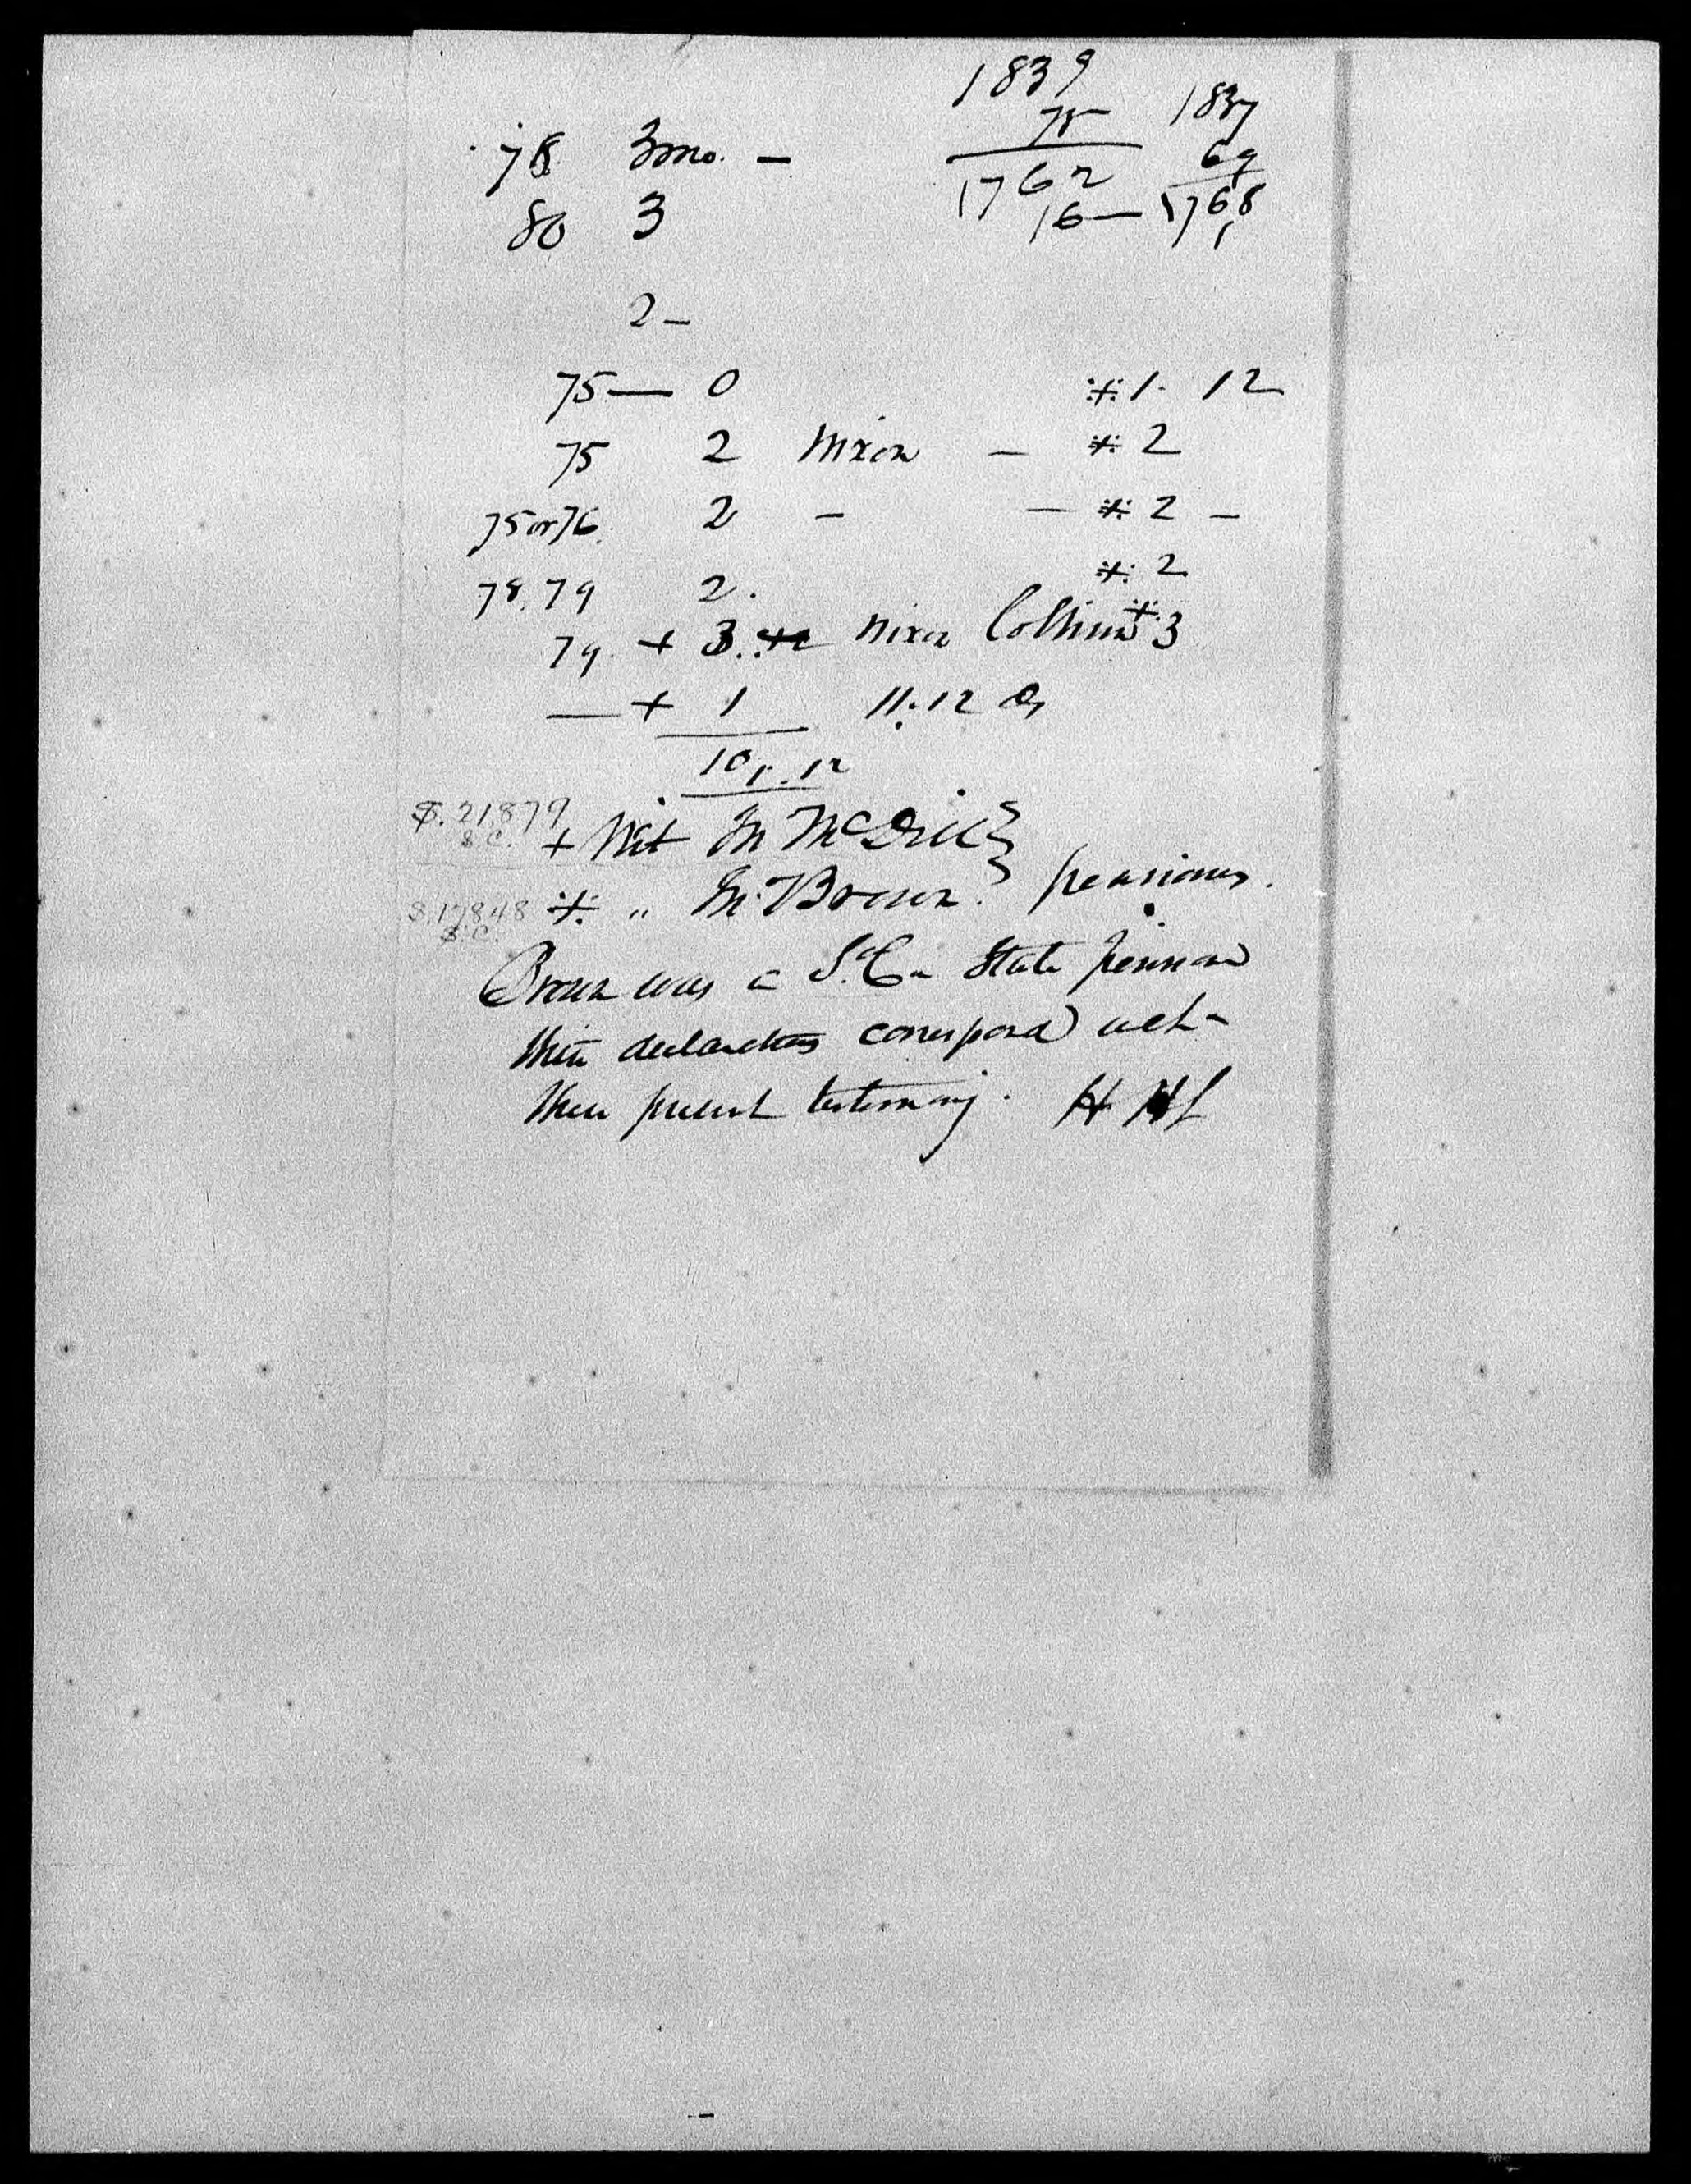[Math calculations]

78 3 mo. 
80 3 
2 -
1839 
77
____
1762
16

1837 
69
____
1768
1
75 0 + 1 -12
75 2 Nixon  - + 2
75 or 76 2 - + 2 -
78, 79 2. + 2
79 + 3 &c Nixon Col Winn + 3
___ + 1 11-12 ds
10 m 12

$218.79 
S.C. + Wit M McDill }
$178.48 + " M. Bower } pensioner
S.C.

Bower was a SoCa. state pensioner 
their declarations compared with 
their present testimony HHL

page: 4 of 10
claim: widow's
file: W. 21523, for Francis King, South Carolina